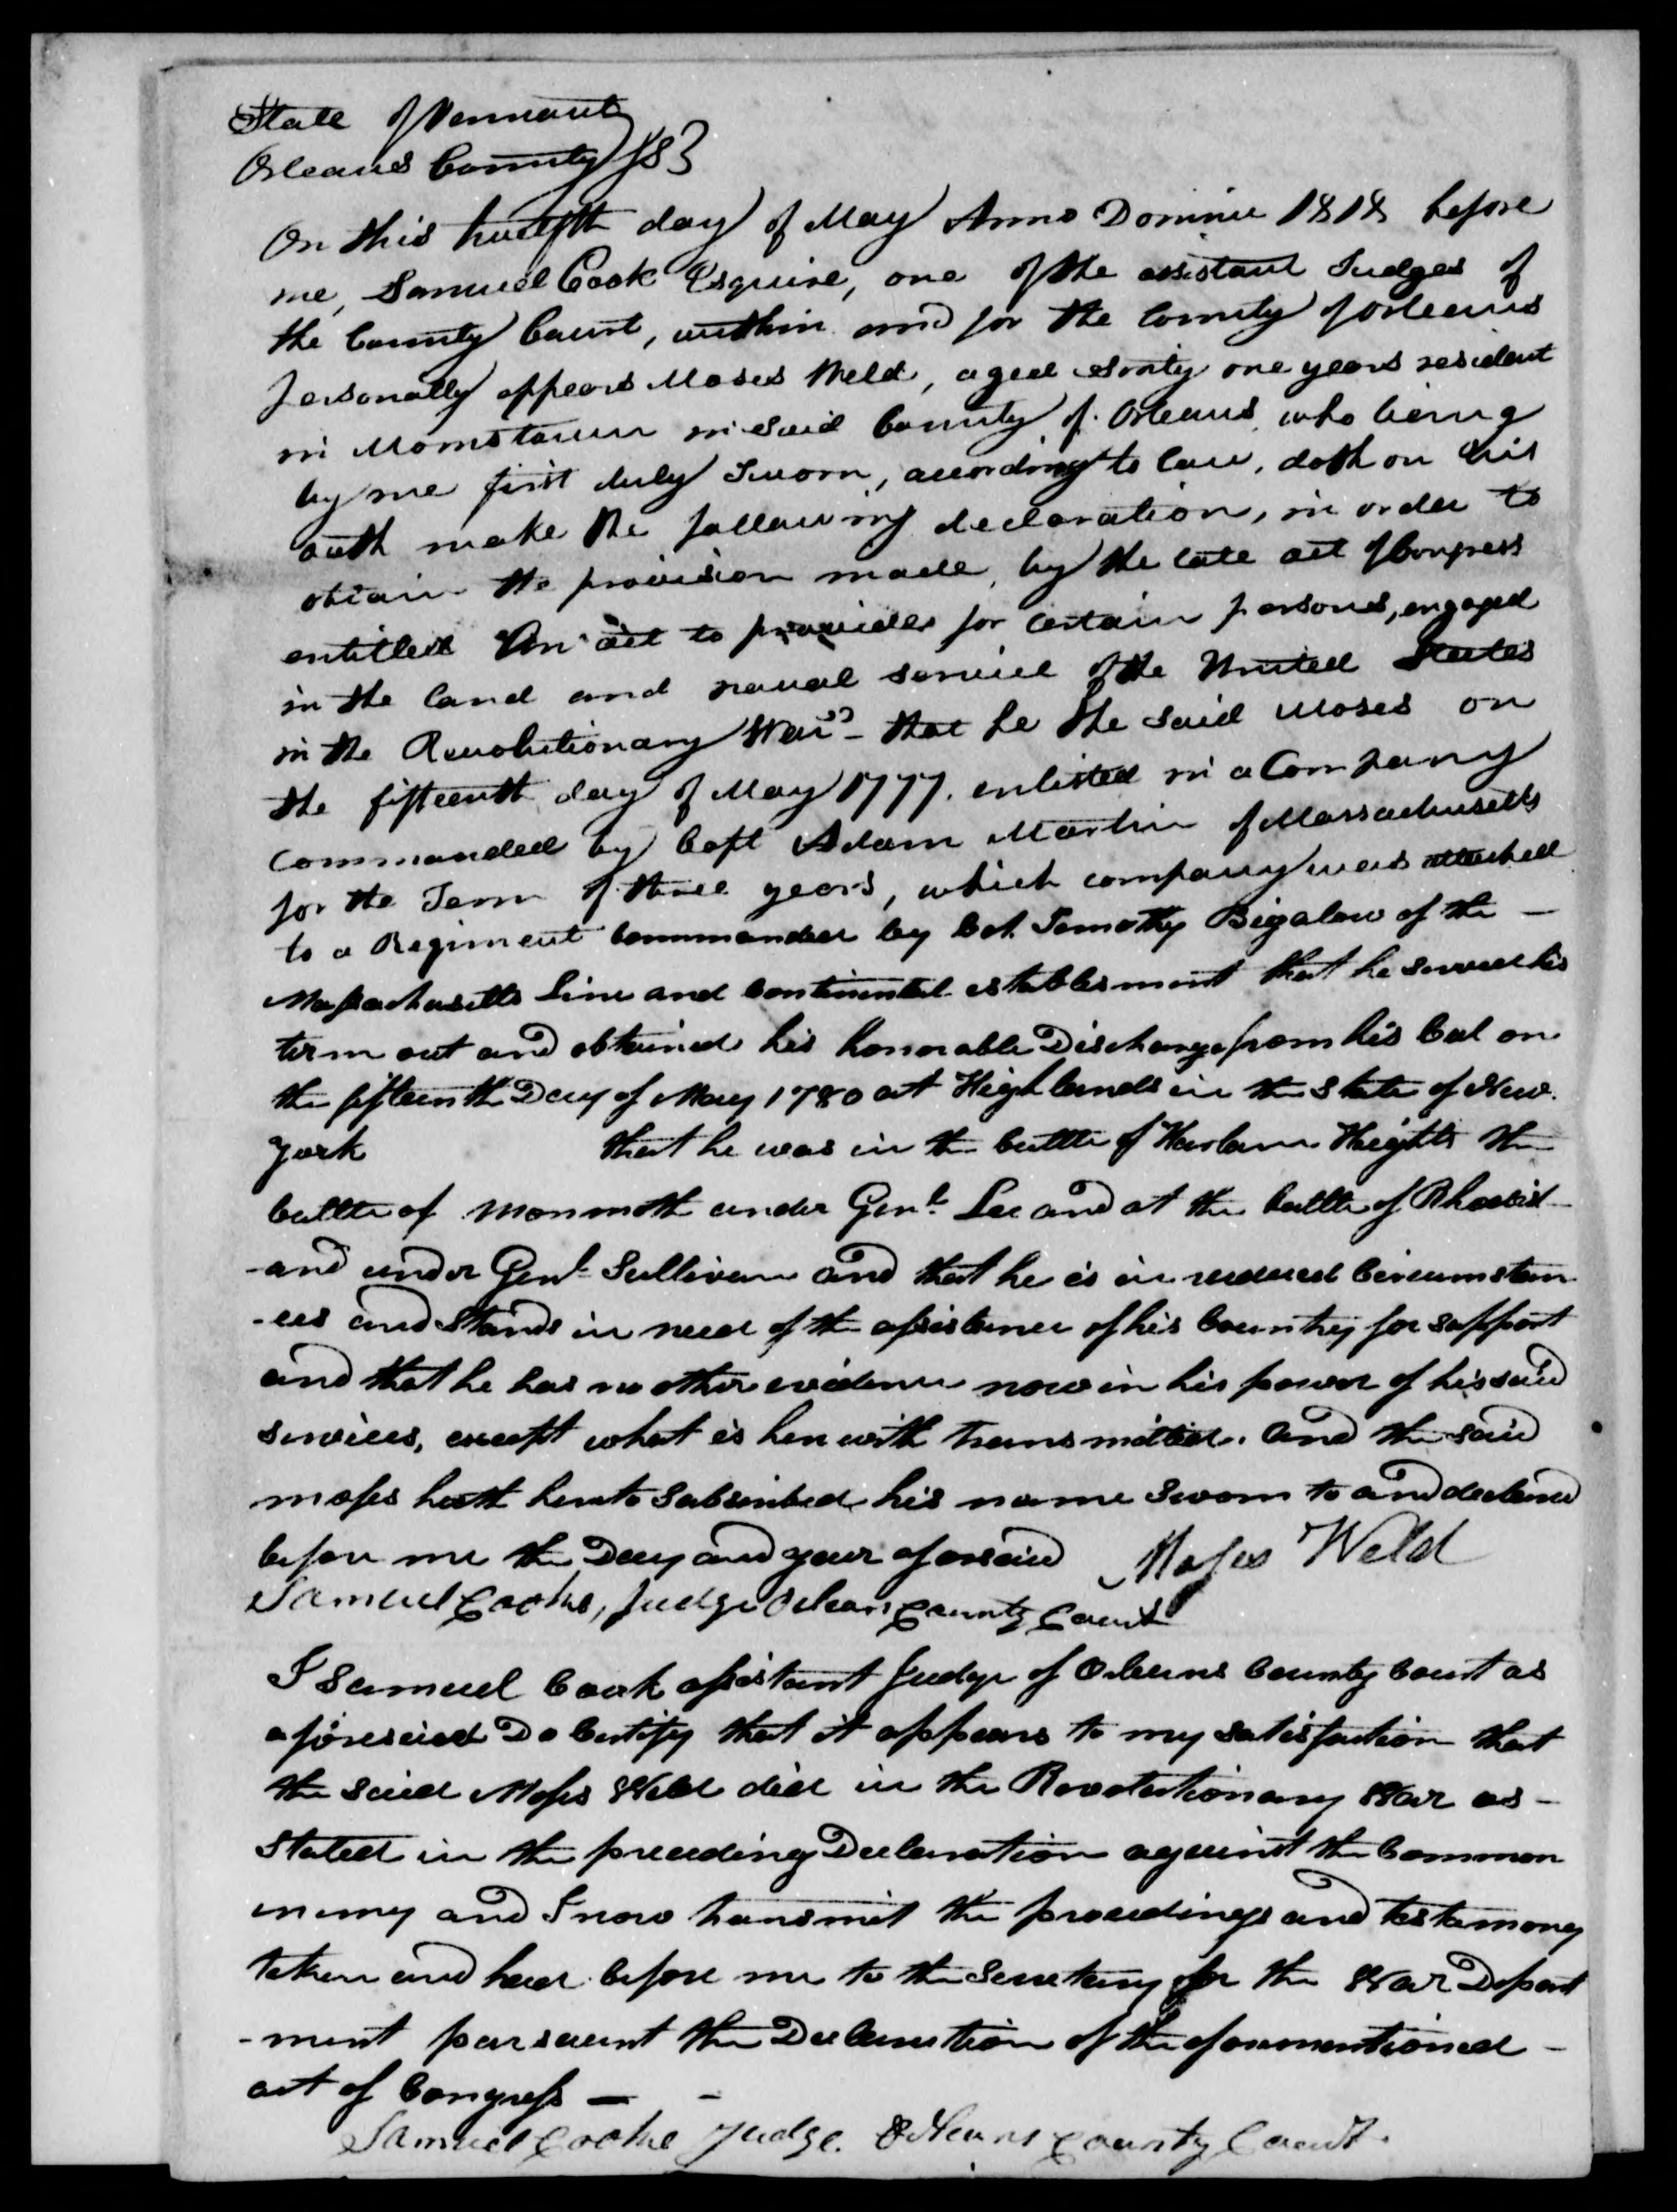State of Vermont
Orleans County JS3[?]
On this twelfth day of May Anno Domini 1818 before me, Samuel Cook Esquire, one of the assistant judges of the County Court, within and for the County of Orleans, Personally appears Moses Weld, aged svnty one years  resident of Morristown in said County of Orleans who being by one duly sworn, according to Law, doth on his oath make the following declaration, in order to obtain the provision made, by the late act of Congress entitled  An act to provide for certain persons , engaged in the land and naval service of the United States in the Revolutionary War ~ that he the said Moses of the fifteenth day of May 1777 enlisted in a Company commanded by Capt Adam Martin of Massachusetts for the term of three years, which company was attached to a Regiment commanded by Col Timothy Bigelow of the Massachusetts Line and Continental [establishment?] that he served his term out and obtained his Honorable Discharge from his Col on the fifteenth day of May 1780 at Highlands in the State of New York    that he was in the battle of Harlem Heights, [transcriber note: muster has him at Saratoga], the battle of Monmouth under General Lee and at the battle of Rhode Island under General Sullivan and that he is [a?] [reversed?] [pensionner?] and stands in need of the assisstance of his County for support and that he has no other [evidence?] now in his power of his [said?] services, except what is [hen?] with transmittal. And the said maps hast hereto [submitted?] his name sworn to and declares before me the day and year of service. Moses Weld
Samuel Cooke, Judge Orleans County Clerk
I Samuel Cooke assisstant Judge of Orleans County Court as [afore_?] do certify that it appears to my satisfaction that the said Moses Weld [did?] in the Revolutionary War as stated in the preceeding Declaration against the common merry[?] and snow[?] transmit the proceedings and testimony taken and heard before me to the Secretary of the War Department parsuent the Declaration of the Constitutional act of Congress - - 
Samuel Cooke Judge Orleans County Court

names: Samuel Cook, Lee, Timothy Bigalow, Moses Weld, Samuel Cooke, Adam Martin, Sullivan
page: 7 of 87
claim: widow's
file: W. 25,966, Moses Weld, Mass.